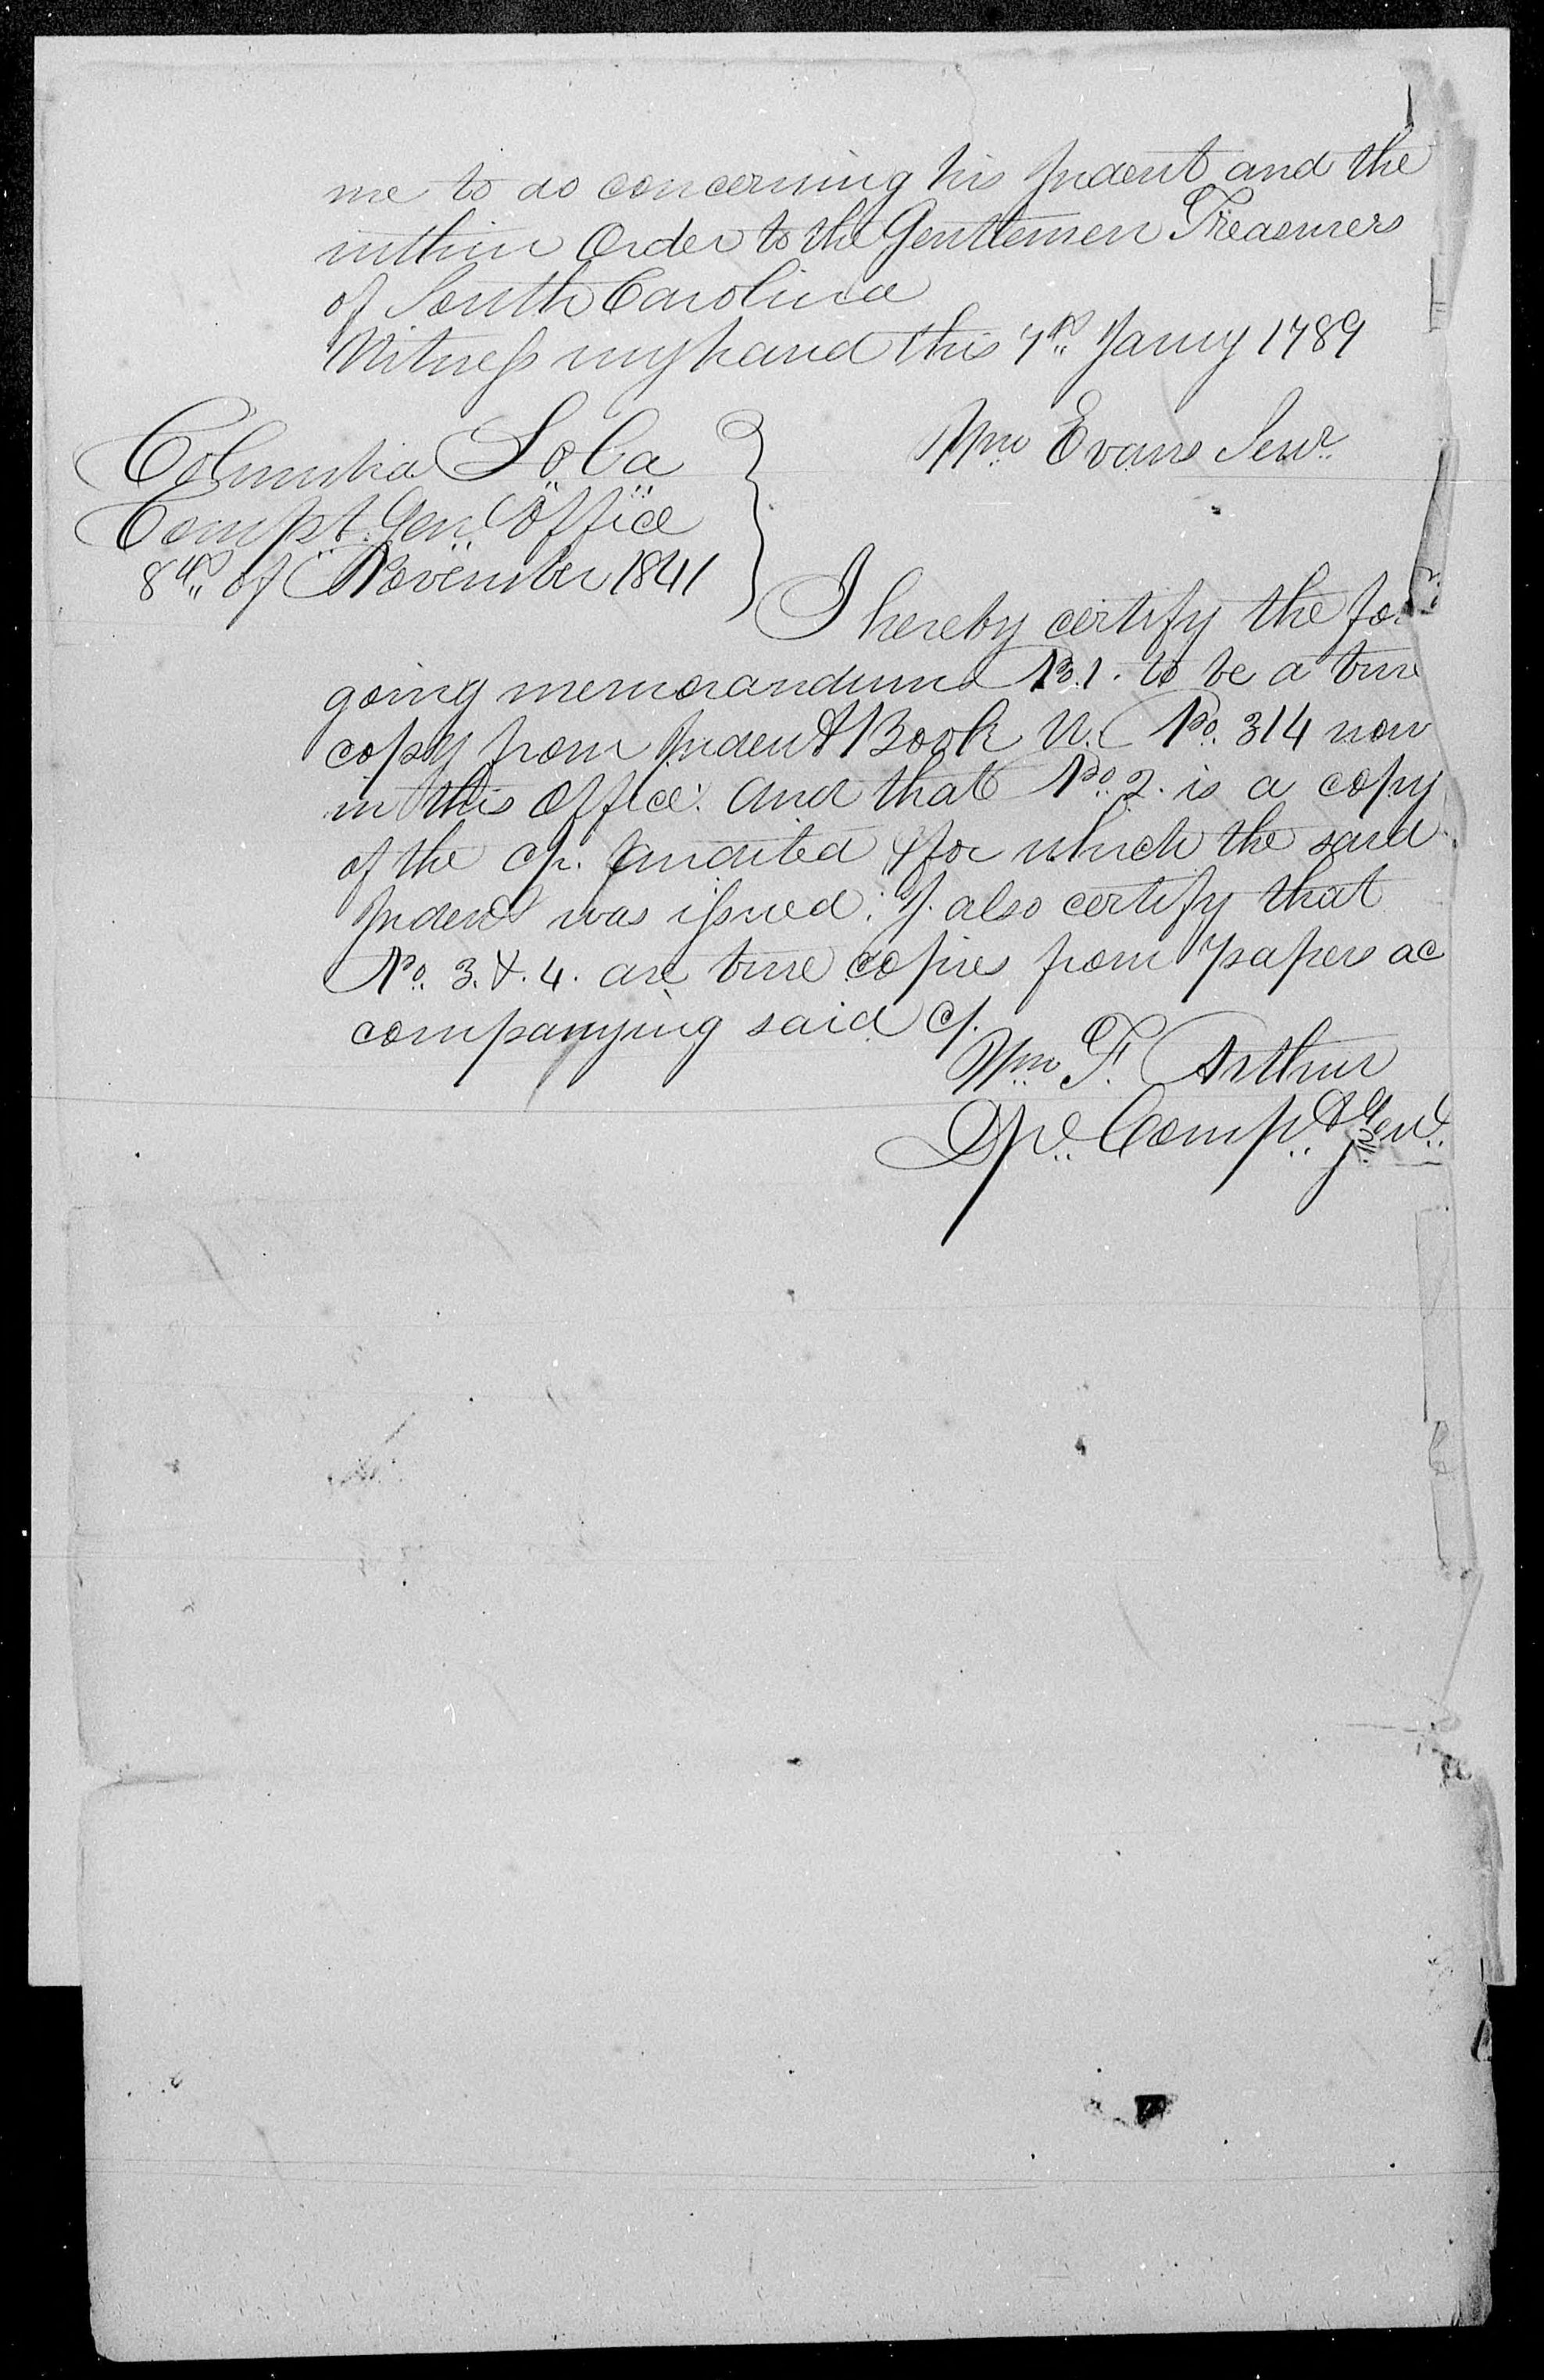me to do concerning his Indent and the within order to the Gentlemen Treasurers of South Carolina. Witness my hand this  7th Jany 1789  Wm Evans Senr 
Columbia Lola
Compt. Gen Office 
8th of November 1841}
 I hereby certify the forgoing memorandum No. 1 to be a true copy from Indent Book N. No. 314 now in this of the Office: and that No 2 is a copy of the [illegible] for which the said Indent was issued, I also certify that No 3. & 4. are true copies from papers accompanying said [illegible]. 
Wm. F. Arthur 
[illegible]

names: Wm F Arthur, Wm Evans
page: 27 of 31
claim: widow's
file: W. 8668, John Dick, S C